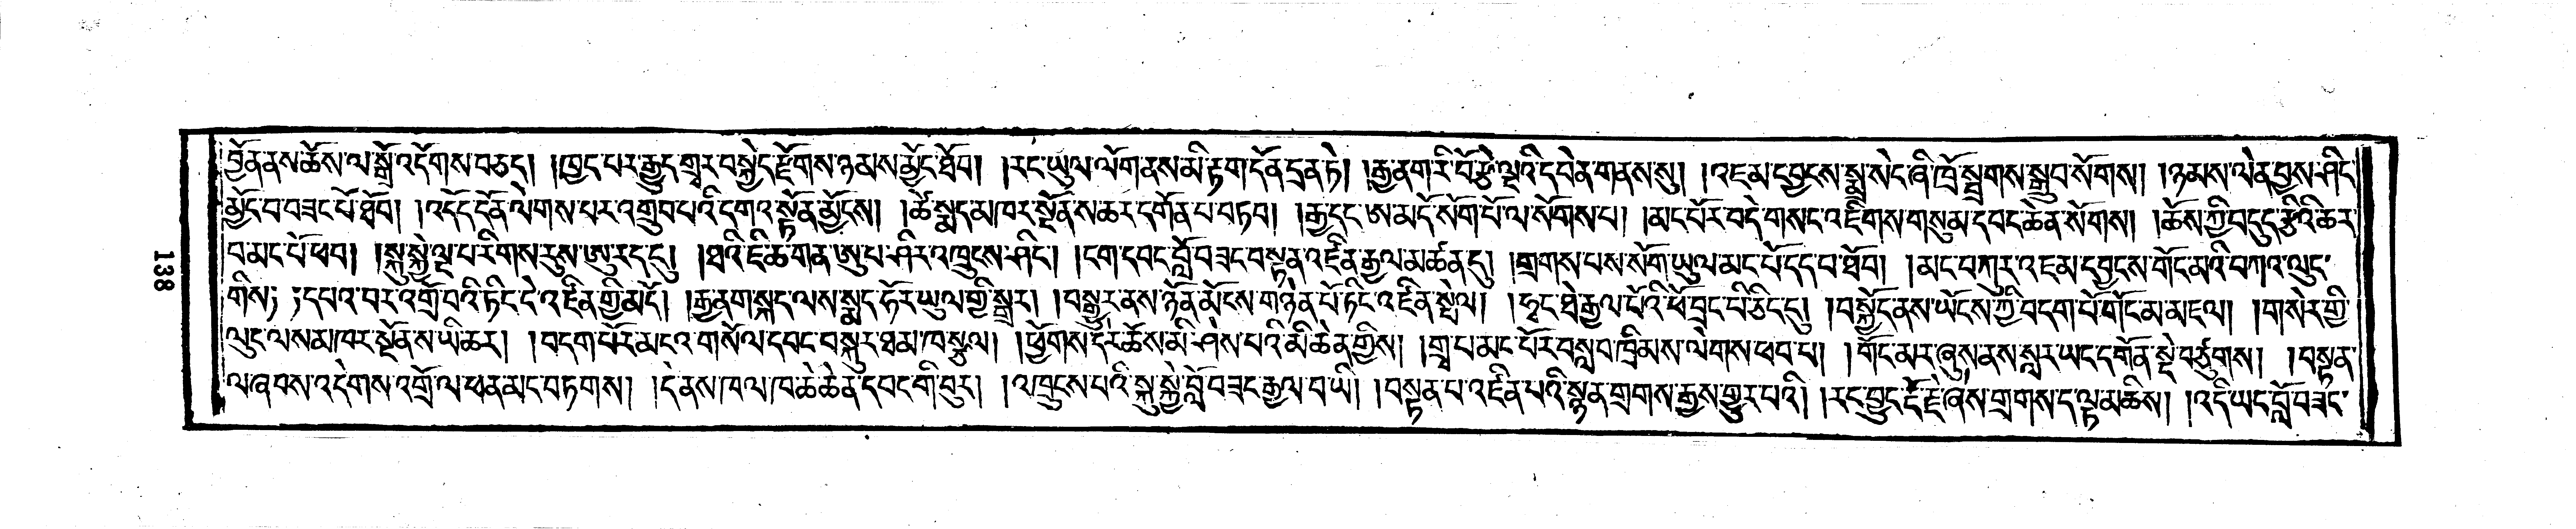བྱོན་ནས་ཆོས་ལ་སྒྲོ་འདོགས་བཅད། །ཁྱད་པར་རྒྱུད་གྲྭར་བསྐྱེད་རྫོགས་ཉམས་མྱོང་ཐོབ། །རང་ཡུལ་ལོག་ནས་མི་རྟག་དོན་དྲན་ཏེ། །རྒྱ་ནག་རི་བོ་རྩེ་ལྔའི་དབེན་གནས་སུ། །འཇམ་དབྱངས་སྨྲ་སེང་ཞི་ཁྲོ་སྦྲགས་སྒྲུབ་སོགས། །ཉམས་ལེན་བྱས་ཤིང་
མྱོང་བ་བཟང་པོ་ཐོབ། །འདོད་དོན་ལེགས་པར་འགྲུབ་པའི་དགའ་སྟོན་མྱོངས། །ཚེ་སྨད་མཁར་སྔོན་ས་ཆར་དགོན་པ་བཏབ། །རྒྱ་དང་ཨ་མདོ་སོག་པོ་ལ་སོགས་པ། །མང་པོར་བདེ་གསང་འཇིགས་གསུམ་དབང་ཆེན་སོགས། །ཆོས་ཀྱི་བདུད་རྩིའི་ཆར་
བ་མང་པོ་ཕབ། །སྐུ་སྐྱེ་ལྔ་པ་རིགས་རུས་ཨུ་རད་དུ། །ཐའི་ཇི་ཆ་གན་ཨུ་པ་ཤིར་འཁྲུངས་ཤིང་། །ངག་དབང་བློ་བཟང་བསྟན་འཛིན་རྒྱལ་མཚན་དུ། །གྲགས་པས་སོག་ཡུལ་མང་པོ་དད་པ་ཐོབ། །མང་བཀུར་འཇམ་དབྱངས་གོང་མའི་བཀའ་ལུང་
གིས༑ ༑དཔའ་བར་འགྲོ་བའི་ཏིང་ངེ་འཛིན་གྱི་མདོ། །རྒྱ་ནག་སྐད་ལས་སྨད་ཧོར་ཡུལ་གྱི་སྒྲར། །བསྒྱུར་ནས་ཉོན་མོངས་གཉེན་པོ་ཏིང་འཛིན་སྤེལ། །ཧྭང་ཐེ་རྒྱལ་པོའི་ཕོ་བྲང་པི་ཅིང་དུ། །བསྐྱོད་ནས་ཡོངས་ཀྱི་བདག་པོ་གོང་མ་མཇལ། །གསེར་གྱི་
ལུང་ལས་མཁར་སྔོན་ས་ཡི་ཆར། །བདག་པོར་མངའ་གསོལ་དབང་བསྐུར་ཐམ་ཁ་སྩལ། །ཕྱོགས་དེར་ཆོས་མི་ཤེས་པའི་མི་ཆེན་གྱིས། །གྲྭ་པ་མང་པོར་བསླབ་ཁྲིམས་ལེགས་ཕབ་པ། །གོང་མར་ཞུས་ནས་སླར་ཡང་དགོན་སྡེ་བཙུགས། །བསྟན་
ལ་ཞབས་འདེགས་འགྲོ་ལ་ཕན་མང་བཏགས། །དེ་ནས་ཁལ་ཁ་ཆེ་ཆེན་དབང་གི་བུར། །འཁྲུངས་པའི་སྐུ་སྐྱེ་བློ་བཟང་རྒྱལ་བ་ཡི། །བསྟན་པ་འཛིན་པའི་སྙན་གྲགས་རྒྱས་གྱུར་པའི། །རང་ནྦྱུང་རྡོ་རྗེ་ཞེས་གྲགས་ད་ལྟ་མཆིས། །འདི་ཡང་བློ་བཟང་